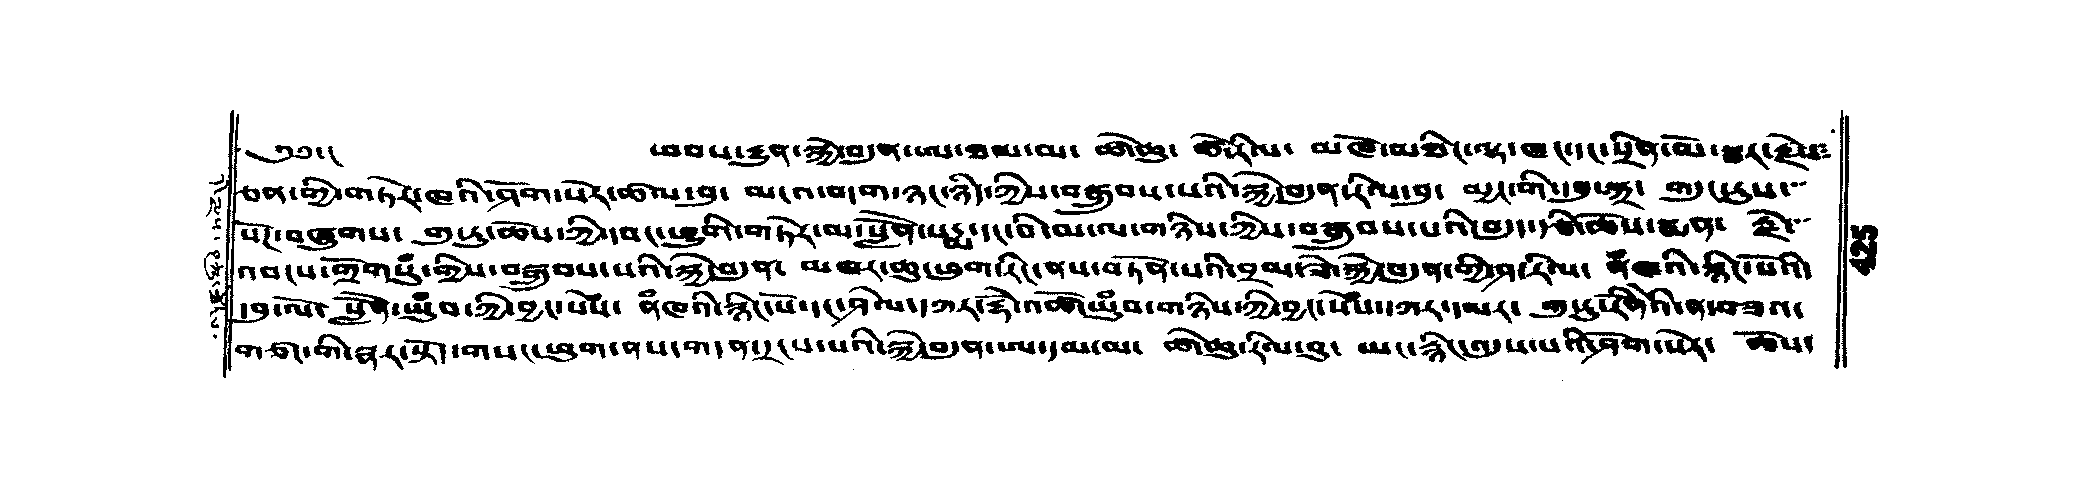ཕབས་རྒྱུན་སྐྱེ་བདུན་ཨ་ཐམ་མ། ཚེ་ཆུ། ཚེ་རིལ། མཁོ་མཐིང་ལྷ་ཁང་དང་སྲིན་མོ་སྦར་རྗེས་
ཅན་གྱི་གཏེར་ཁའི་ཤོག་སེར་ཚལ་བུ། མངའ་བདག་ཉང་ཉིད་ཀྱིས་བསྒྲུབས་པའི་སྐྱེ་བདུན་རིལ་བུ། མྱང་གི་དབུ་སྐྲ། གདུང་རུས་
སོགས་བཞུགས། གུ་རུ་ཆོས་ཀྱི་དབང་ཕྱུག་གི་གཏེར་མ་སློབ་དཔོན་པདྨ་དང་བི་མ་ལ་གཉིས་ཀྱིས་བསྒྲུབས་པའི་བདུད་རྩི་ཆོས་སྨན། རྗེ་
འབངས་གྲོགས་གསུམ་གྱིས་བསྒྲུབས་པའི་སྐྱེ་བདུན། མཁར་ཆུ་ཕུག་རིང་ནས་བཏོན་པའི་བྲམ་ཟེ་སྐྱེ་བདུན་གྱི་ཤ་རིལ། ནམ་མཁའི་སྙིང་པོའི་
དབུ་ལོ། སློབ་དཔོན་ཡབ་ཡུམ་གྱི་བྱང་སེམས། ནམ་མཁའི་སྙིང་པོ་དང་ཤེལ་དཀར་རྡོ་རྗེ་འཚོ་ཡབ་ཡུམ་ཀྱི་བྱང་སེམས་དཀར་དམར། གུ་རུ་རིན་པོ་ཆེའི་ན་བཟའ། 
གཙང་གི་སྣར་སྟོད་གསང་ཕུག་ནདས་གདན་དྲངས་པའི་སྐྱེ་བདུན་ཨ་དམ་མ། ཡང་སྙིང་འདུས་པའི་ཤོག་སེར། ཆོས་